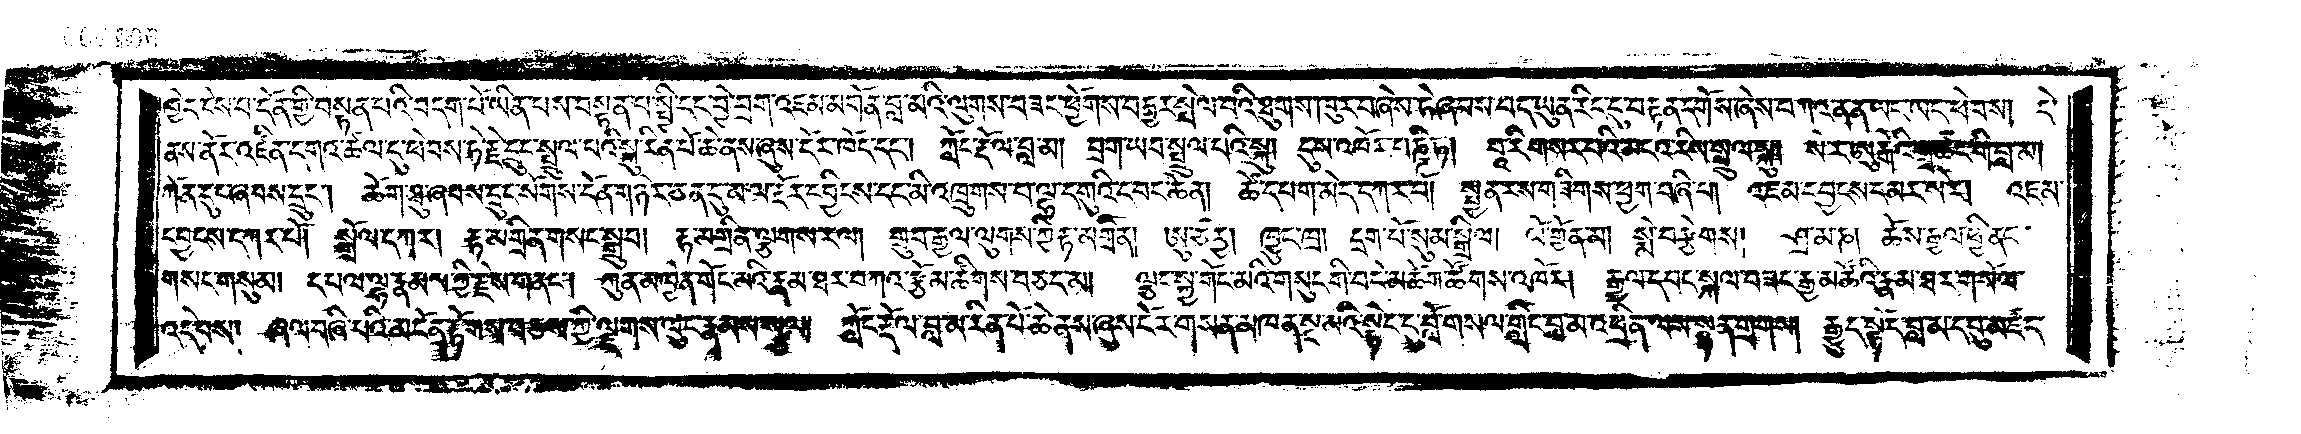ཁྱེད་ངེས་པ་དོན་གྱི་བསྟན་པའི་བདག་པོ་ཡིན་པས་བསྟན་པ་སྤྱི་དང་བྱེ་བྲག་འཇམ་མགོན་བླ་མའི་ལུགས་བཟང་ཕྱོགས་བརྒྱར་སྤེལ་བའི་ཐུགས་ཁུར་བཞེས་ཏེ་ཞབས་པད་ཡུན་རིང་དུ་བརྟན་དགོས་ཞེས་བཀའ་ནན་ཡང་ཡང་ཕེབས། དེ་
ནས་ནོར་འཛིན་དགའ་ཚལ་དུ་ཕེབས་ཏེ་རྗེ་དྲུང་སྤྲུལ་པའི་སྐུ་རིན་པོ་ཆེ་ནས་ཞུས་དོར་ཁོད་དང་། ཀློང་རྡོལ་བླ་མ། བྲག་ཡབ་སྤྲུལ་པའི་སྐུ། དུས་འཁོར་པཎྜི་ཏ། བཱ་རི་གསར་བའི་མངའ་རིས་སྤྲུལ་སྐུ། སེ་ར་ཨུརྒེའི་གྲྭ་ཚང་གི་བླ་མ།
ཀོན་དུང་ཞབས་དྲུང་། ཆོག་ཐུ་ཞབས་དྲུང་སོགས་དོན་གཉེར་ཅན་དུ་མ་ལ་རྡོར་དབྱིངས་དང་མི་འཁྲུགས་པ་ལྷ་དགུའི་དབང་ཆེན། ཚེ་དཔག་མེད་དཀར་པོ། སྤྱན་རས་གཟིགས་ཕྱག་བཞི་པ། འཇམ་དབྱངས་དམར་སེར། འཇམ་
དབྱངས་དཀར་པོ། སྒྲོལ་དཀར། རྟ་མགྲིན་གསང་སྒྲུབ། རྟ་མགྲིན་ལྕགས་རལ། གྲུབ་རྒྱལ་ལུགས་ཀྱི་རྟ་མགྲིན། ཨུ་ཙརྱ། ཁྱུང་ཁྲ། དྲག་པོ་སུམ་སྒྲིལ། ལོ་གྱོན་མ། སྨེ་བརྩེགས། ཤྲ་མ་ཎ། ཆོས་རྒྱལ་ཕྱི་ནང་
གསང་གསུམ། དཔལ་ལྷ་རྣམས་ཀྱི་རྗེས་གནང་། ཀུན་མཁྱེན་གོང་མའི་རྣམ་ཐར་བཀའ་རྩོམ་ཚིགས་བཅད་མ། ལྕང་སྐྱ་གོང་མའི་གསུང་གི་བདེ་མཆོག་ཚོགས་འཁོར། རྒྱལ་དབང་སྐལ་བཟང་རྒྱ་མཚོའི་རྣམ་ཐར་གསོལ་
འདེབས། ཞལ་བཞི་པའི་མངོན་རྟོགས་བཅས་ཀྱི་ལྗགས་ལུང་རྣམས་སྩལ། ཀློང་རྡོལ་བླ་མ་རིན་པོ་ཆེ་ནས་ཞུས་ངོར་གསན་མཁན་སྔ་མའི་སྟེང་དུ་བློ་གསལ་གླིང་བླ་མ་འཕྲིན་ལས་སྙན་གྲགས། རྒྱུད་སྟོད་བླ་མ་དབུ་མཛད་